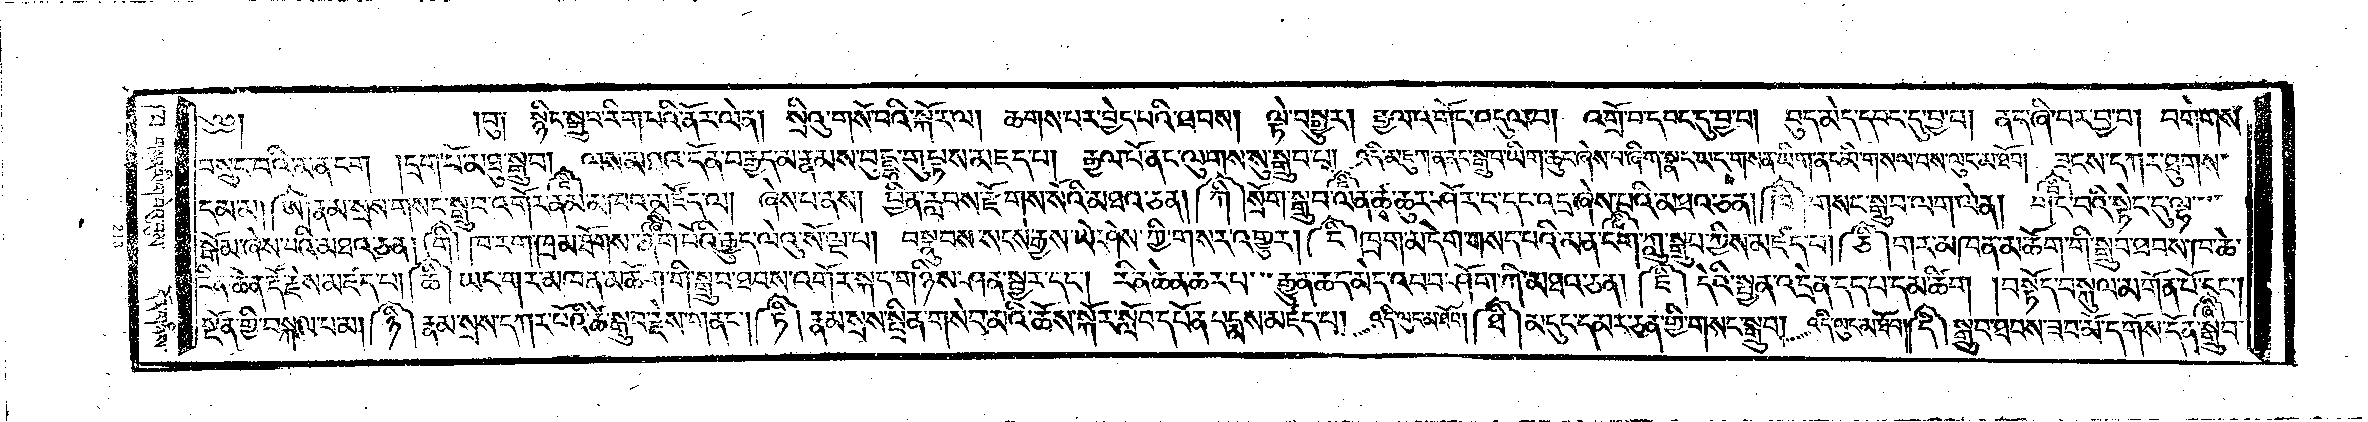༄༅། །བུ༑ སྙིང་སྒྲུབ་རིག་པའི་ནོར་ལེན། སྲིའུ་གསོ་བའི་སྐོར་ལ། ཆགས་པར་བྱེད་པའི་ཐབས། ལྟེ་བསྒྱུར། རྒྱལ་འགོང་འདུལ་བ། འགྲོ་བ་དབང་དུ་བྱ་བ། བུད་མེད་དབང་དུ་བྱ་བ། ནད་ཞི་བར་བྱ་བ། བགེགས་
བསྲུང་བའི་མན་ངག །དྲག་པོ་མཐུ་སྒྲུབ། ལས་མཐའ་དོན་བརྒྱད་མ་རྣམས་བུདྡྷ་གུཔྟས་མཛད་པ། རྒྱལ་པོ་ནང་ལུགས་སུ་སྒྲུབ་པ་འདི་མཇུག་ན་ནང་སྒྲུབ་ཡིག་ཆུང་ཞེས་པ་ཞིག་སྣང་ཡང་གསན་ཡིག་ནང་མི་གསལ་བས་ལུང་མ་ཐོབ།  ཟངས་དཀར་ཐུགས་
དམ་མ། ༼ཨ༽ རྣམ་སྲས་གསང་སྒྲུབ་འགོར་ནམ་མཁའ་མཛད་ལ། ཞེས་པ་ནས། བྱིན་རླབས་རྫོགས་སོའི་མཐའ་ཅན། ༼ཀི༽ སྲོག་སྒྲུབ་ལན་ཚྭ་ཆུར་ཤོར་བ་དང་འདྲ་ཞེས་པའི་མཐའ་ཅན། ༼ཁི༽ གསན་བསྒྲུབ་ལག་ལེན། གང་བའི་སྟེང་དུ་ལྷ་
སྒོམ་ཞེས་པའི་མཐའ་ཅན། ༼གི༽ ཁ་རག་ཁྲམ་ཐོགས་ནག་པོའི་རྒྱུད་ལེའུ་སོ་ལྔ་པ། བསྣུབས་སངས་རྒྱས་ཡེ་ཤེས་ཀྱི་གསར་འགྱུར། ༼ངི༽ ཁྲག་མདོག་གསང་བའི་མན་ངག་ཀླུ་སྒྲུབ་ཀྱིས་མཛད་པ། ༼ཅི༽ གར་མཁན་མཆོག་གི་སྒྲུབ་ཐབས་ཁ་ཆེ་
རིན་ཆེན་རྡོ་རྗེས་མཛད་པ། ༼ཆི༽ ཡང་གར་མཁན་མཆོག་གི་སྒྲུབ་ཐབས་འགོར་སྐད་གཉིས་ཤན་སྦྱར་དང་། རིན་ཆེན་ཆར་པ་རྒྱུན་ཆད་མེད་འབབ་ཤོག་གི་མཐའ་ཅན། ༼ཇི༽ དེའི་སྤྱན་འདྲེ་དད་པ་དམ་ཚིག །བསྟོད་བསྐུལ་མགོན་པོ་དང་།
སྔོན་གྱི་བསྐལ་པ་མ། ༼ཉི༽། རྣམ་སྲས་དཀར་པོའི་ཚེ་སྒྲུབ་རྗེས་གནང་། ༼ཏི༽ རྣམ་སྲས་སྤྲིན་གསེབ་མའི་ཆོས་སྐོར་སློབ་དཔོན་པདམས་མཛད་པ་འདི་ལུང་མ་ཐོབ།  ༼ཐི༽ མདུང་དམར་ཅན་གྱི་གསང་སྒྲུབ་འདི་ལུང་མ་ཐོབ། ༼དི༽ སྒྲུབ་ཐབས་ཟབ་མོ་དགོས་དོན་སྒྲུབ་